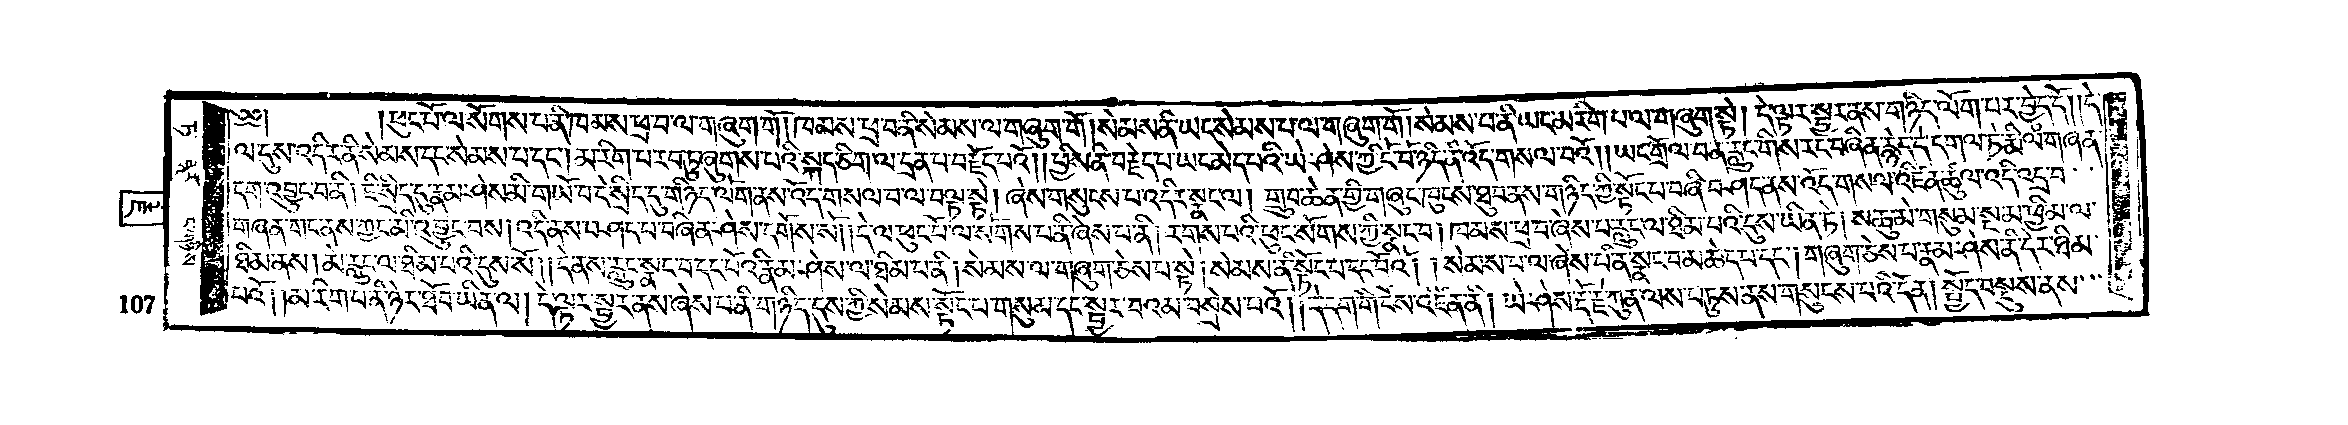༄༅། །ཕུང་པོ་ལ་སོགས་པ་ནི་ཁམས་ཕྲ་བ་ལ་གཞུག་གོ །ཁམས་ཕྲ་བ་ནི་སེམས་ལ་གཞུག་གོ། སེམས་ནི་ཡང་སེམས་པ་ལ་གཞུག་གོ། སེམས་པ་ནི་ཡང་མ་རིག་པ་ལ་གཞུག་སྟེ། དེ་ལྟར་སྦྱར་ནས་གཉིད་ལོག་པར་བྱེད་དོ། །དེ་
ལ་དུས་འདིར་ནི་སེམས་དང་སེམས་པ་དང་། མ་རིག་པ་རབ་ཏུ་ཞུགས་པའི་སྐད་ཅིག་ལ་དྲན་པ་བརྗོད་པའོ། །ཕྱིས་ནི་བརྗོད་པ་ཡང་མེད་པའི་ཡེ་ཤེས་ཀྱི་ངོ་བོ་ཉིད་ནི་འོད་གསལ་བའོ། །ཡང་གྲོལ་བ་ན་རླུང་གིས་རང་བཞིན་རྙེད་དེ། གལ་ཏེ་རྨི་ལམ་གཞན་
དག་འབྱུང་བ་ནི། ཇི་སྲིད་དུ་རྣམ་ཤེས་མི་གཡོ་བ་དེ་སྲིད་དུ་གཉིད་ལོག་ནས་འོད་གསལ་བ་ལ་བལྟ་སྟེ། ཞེས་གསུངས་པ་འདིར་སྣང་ལ། གྲུབ་ཆེན་གྱི་གཞུང་ཁུངས་ཐུབ་ནས་གཉིད་ཀྱི་སྟོང་པ་བཞི་བཤད་ནས་འོད་གསལ་འཛིན་ཚུལ་འདི་འདྲ་བ་
གཞན་གང་ནས་ཀྱང་མི་འབྱུང་བས། འདི་ནས་བཤད་པ་བཞིན་ཤེས་དགོས་སོ། །དེ་ལ་ཕུང་པོ་ལ་སོགས་པ་ནི་ཞེས་པ་ནི། རིགས་པའི་ཕུང་སོགས་ཀྱི་སྣང་བ། ཁམས་ཕྲ་བ་ཞེས་པ་རླུང་ལ་ཐིམ་པའི་དུས་ཡིན་ཏེ། ས་ཆུ་མེ་གསུམ་སྔ་མ་ཕྱི་མ་ལ་
ཐིམ་ནས། མེ་རླུང་ལ་ཐིམ་པའི་དུས་སོ། །དེ་ནས་རླུང་སྣང་བ་དང་པོའི་རྣམ་ཤེས་ལ་ཐིམ་པ་ནི། སེམས་ལ་གཞུག་ཅེས་པ་སྟེ། སེམས་ནི་སྟོང་པ་དང་པོའོ། །སེམས་པ་ལ་ཞེས་པ་ནི་སྣང་བ་མཆེད་པ་དང་། གཞུག་ཅེས་པ་རྣམ་ཤེས་ནི་དེར་ཐིམ་
པའོ། །མ་རིག་པ་ནི་ཉེར་ཐོབ་ཡིན་ལ། དེ་ལྟར་སྦྱར་ནས་ཞེས་པ་ནི་གཉིད་དུས་ཀྱི་སེམས་སྟོང་པ་གསུམ་དང་སྦྱར་བའམ་བསྲེས་པའོ། །དེ་དག་གི་ངོས་འཛིན་ནི། ཡེ་ཤེས་རྡོ་རྗེ་ཀུན་ལས་བཏུས་ནས་གསུངས་པའི་དོན། སྤྱོད་བསྡུས་ནས་